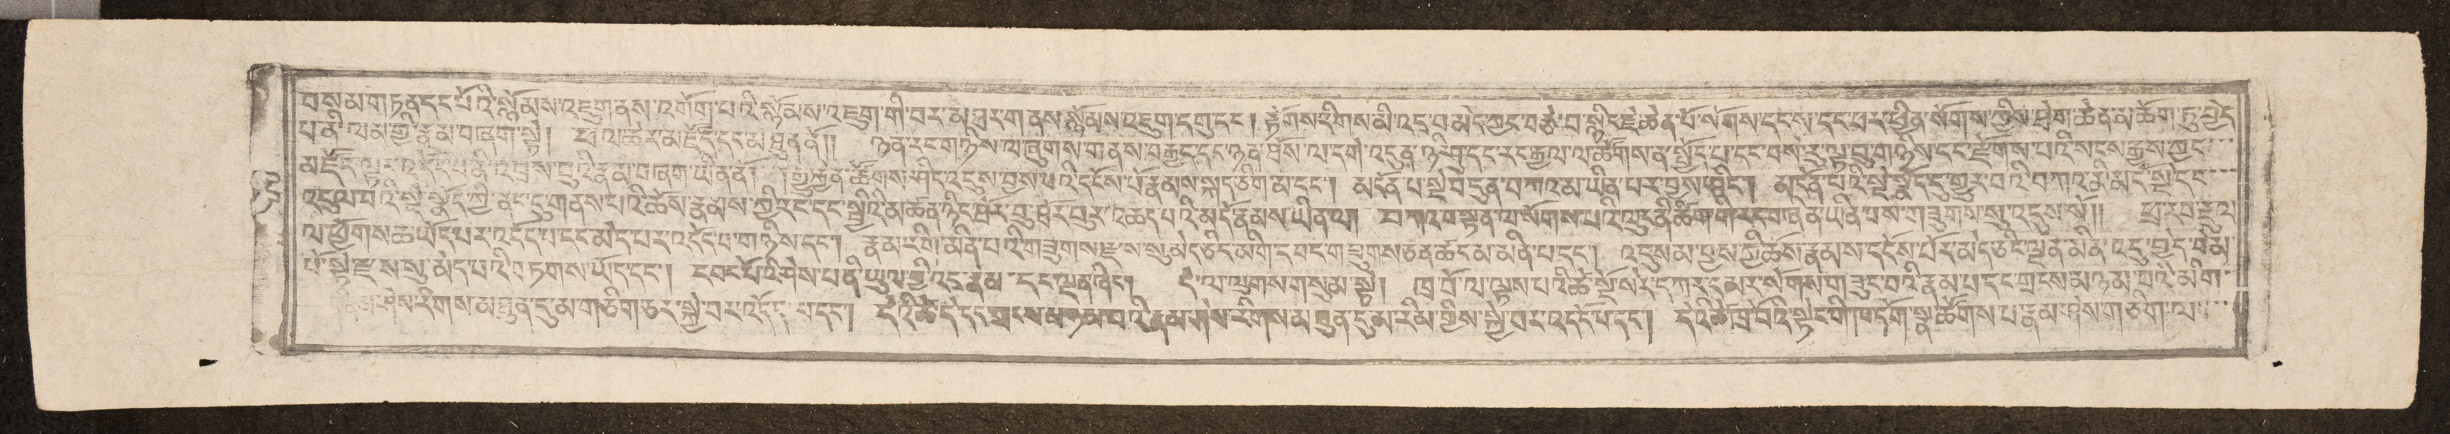བསྣམ་གཏན་དང་པོའི་སྙོམས་འཇུག་ནས་འགོག་པའི་སྙོམས་འཇུག་གི་བར་མཐར་གནས་སྙོམས་འཇུག་དགུ་དང་། རྟོགས་རིགས་མི་འདྲ་བ་མེད་ཀྱང་བརྩེ་བ་སྙིང་རྗེ་ཆེན་པོ་སོགས་དང་ས་དང་ཕར་ཕྱིན་སོགས་ཀྱིས་ཐེག་ཆེན་མཆོག་ཏུ་བྱེད་
པ་ན་ལམ་གྱི་རྣམ་བཞག་སྟེ། ཕལ་ཆེར་མཛོད་དང་མཐུན་ནོ།། ཉན་རང་གཉིས་ལ་ཞུགས་གནས་བརྒྱད་དང་ཉན་ཐོས་ལ་དགེ་འདུན་ཉི་ཤུ་དང་རང་རྒྱལ་ལ་ཚོགས་ན་སྤྱོད་པ་དང་བསེ་རུ་ལྟ་བུ་གཉིས་དང་རྫོགས་པའི་སངས་རྒྱས་ཀྱང་
མཛོད་ལྟར་འདོད་པ་ནི་འབྲས་བུའི་རྣམ་བཞག་ཡིན་ནོ། །རྒྱུ་རྐྱེན་ཚོགས་ཤིང་འདུས་བྱས་པའི་དངོས་པོ་རྣམས་སྐད་ཅིག་མ་དང་། མངོན་པ་སྡེ་བདུན་བཀའ་མ་ཡིན་པར་བྱས་ཤིང་། མངོན་པའི་སྡེ་སྣོད་དུ་གྱུར་བའི་བཀའ་ནི་མདོ་སྡེ་དང་
འདུལ་བའི་སྡེ་སྣོད་ཀྱི་ནང་དུ་གནས་པའི་ཆོས་རྣམས་ཀྱི་རང་དང་སྦྱིའི་མཚན་ཉིད་ཐོར་བུར་འཆད་པའི་མདོ་རྣམས་ཡིན་ལ། བཀའ་བསྟན་ལ་སོགས་པའི་ལུང་ནི་ཚིག་གི་རང་བཞིན་ཡིན་པས་གཟུགས་སུ་འདུས་སོ།། ཕྲ་རབ་རྡུལ་
ལ་ཕྱོགས་ཆ་ཡོད་པར་འདོད་པ་དང་མེད་པར་འདོད་པ་གཉིས་དང་། རྣམ་རིག་མིན་པའི་གཟུགས་རྫས་སུ་མེད་ཅིང་མིག་དབང་གཟུགས་ཅན་ཚང་མ་མིན་པ་དང་། འདུས་མ་བྱས་ཀྱི་ཆོས་རྣམས་དངོས་པོར་མེད་ཅིང་ལྡན་མིན་འདུ་བྱེད་བེམ་
པོ་སྟེ་རྫས་སུ་མེད་པའི་བཏགས་ཡོད་དང་། དབང་པོའི་ཤེས་པ་ནི་ཡུལ་གྱི་འདྲ་རྣམ་དང་ལྡན་ཞིང་། དེ་ལ་ལུགས་གསུམ་སྟེ། ཁྲ་བོ་ལ་ལྟས་པའི་ཚེ་སྔོ་སེར་དཀར་དམར་སོགས་གཟུང་བའི་རྣམ་པ་དང་གྲངས་མཉམ་པའི་མིག་
གི་རྣམ་ཤེས་རིགས་མཐུན་དུ་མ་གཅིག་ཅར་སྐྱེ་བར་འདོད་པ་དང་། དེའི་ཚེ་དེ་དང་གྲངས་མཉམ་པའི་རྣམ་ཤེས་རིགས་མཐུན་དུ་མ་རིམ་གྱིས་སྐྱེ་བར་འདོད་པ་དང་། དེའི་ཚེ་ཁྲ་བོའི་སྟེང་གི་ཁ་དོག་སྣ་ཚོགས་པ་རྣམ་ཤེས་གཅིག་ལ་